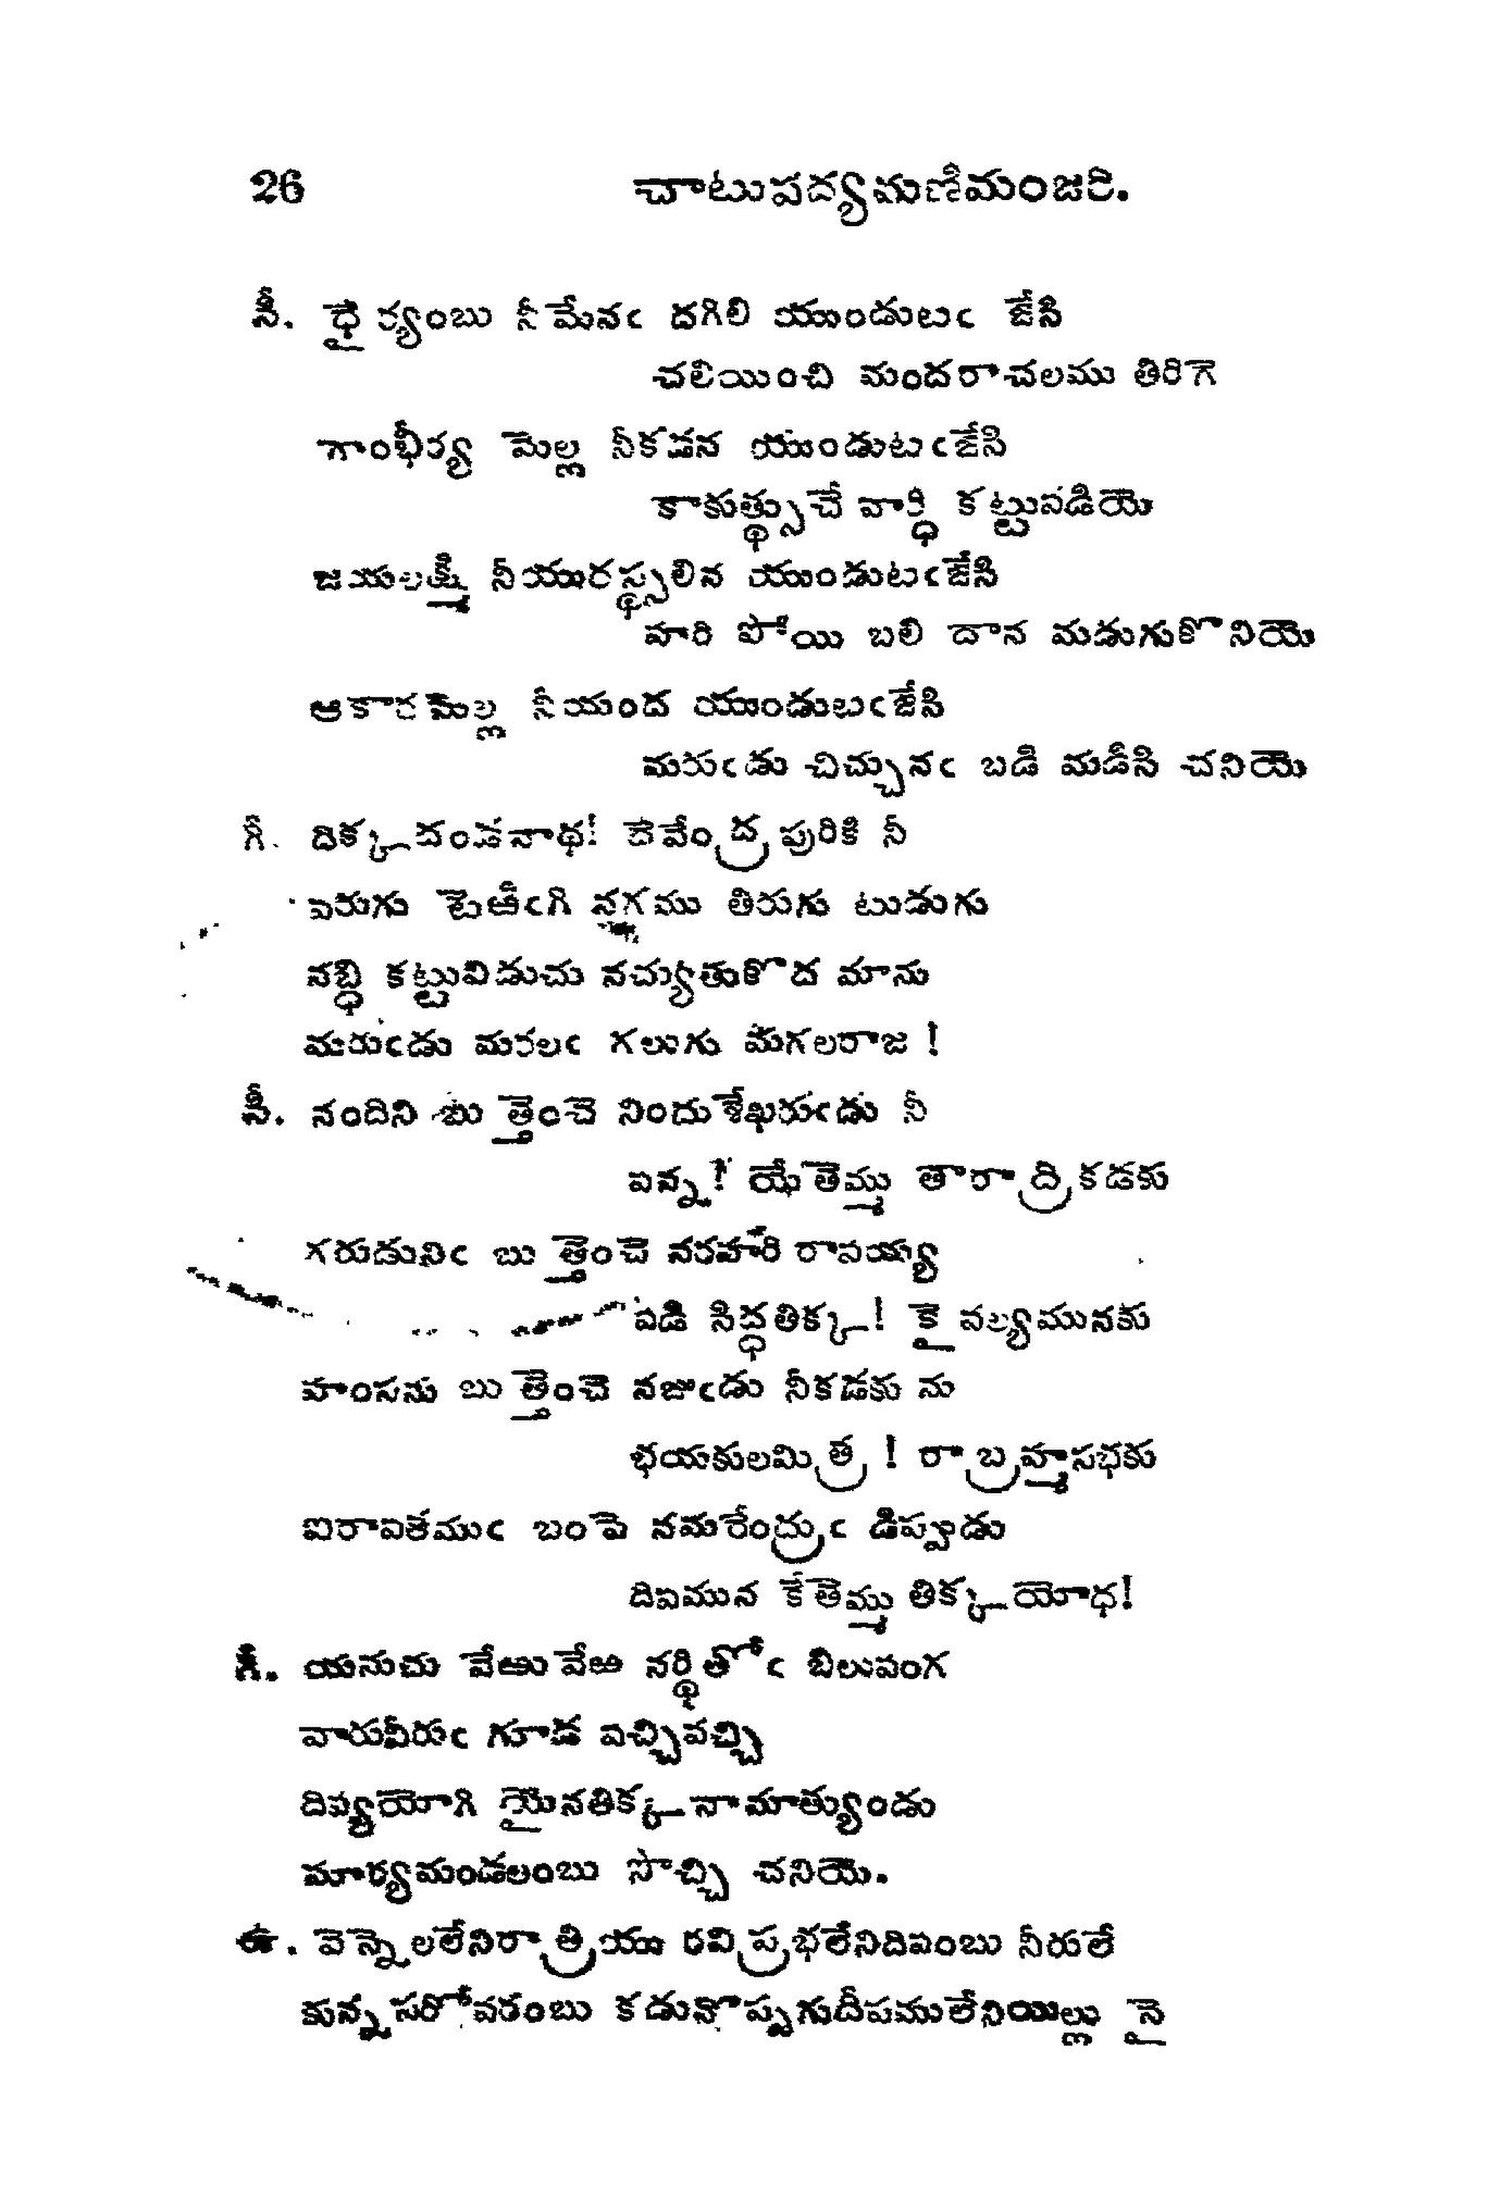సీ. ధైర్యంబు నీమేనఁ దగిలియుండుటఁ జేసి
 చలియించి మందరాచలము తిరిగె
 గాంభీర్య మెల్ల నీకడన యుండుటఁ జేసి
 కాకుత్స్థుచే వార్ధి కట్టుపడియె
 జయలక్ష్మి నీయురస్స్థలిన యుండుటఁజేసి
 హరి పోయి బలి దాన మడుగుకొనియెఁ
 ఆకారమందెల్ల నీయంద యుండుటఁజేసి
 మరుఁడు చిచ్చునఁ బడి మడిసి చనియె
గీ. దిక్కదండనాథ! దేవేంద్రపురికి నీ
 వరుగు టెఱిఁగి సగము తిరుగు టుడుగు
 నబ్ధి కట్టువిడుచు నచ్యుతుకొద మాను
 మరుఁడు మరలఁ గలుగు మగలరాజ!
సీ. నందిని బుత్తెంచె నిందుశేఖరుఁడు నీ
 వన్న! యేతెమ్ము తారాద్రికడకు
 గరుడినిఁ బుత్తెంచె నరహరి రావయ్య
 వడి సిద్ధతిక్క! కైవల్యమునకు
 హంసను బుత్తెంచె నజుఁడు నీకడకు ను
 భయకులమిత్ర! రా బ్రహ్మసభకు
 ఐరావతముఁ బంపె నమరేంద్రుఁ డిప్పుడు
 దివమున కేతెమ్ము తిక్కయోధ!
గీ. యనును వేఱువేఱ నర్థితోఁ బిలువంగ
 వారు వీరుఁ గూడ వచ్చి వచ్చి
 దివ్యయోగి యైన తిక్కనామాత్యుండు
 సూర్యమండలంబు సొచ్చి చనియె.
ఉ. వెన్నెలలేనిరాత్రియు రవిప్రభలేనిదినంబు నీరులే
 కున్నసరోవరంబు కడు నొప్పగు దీపము లేని యిల్లు నై